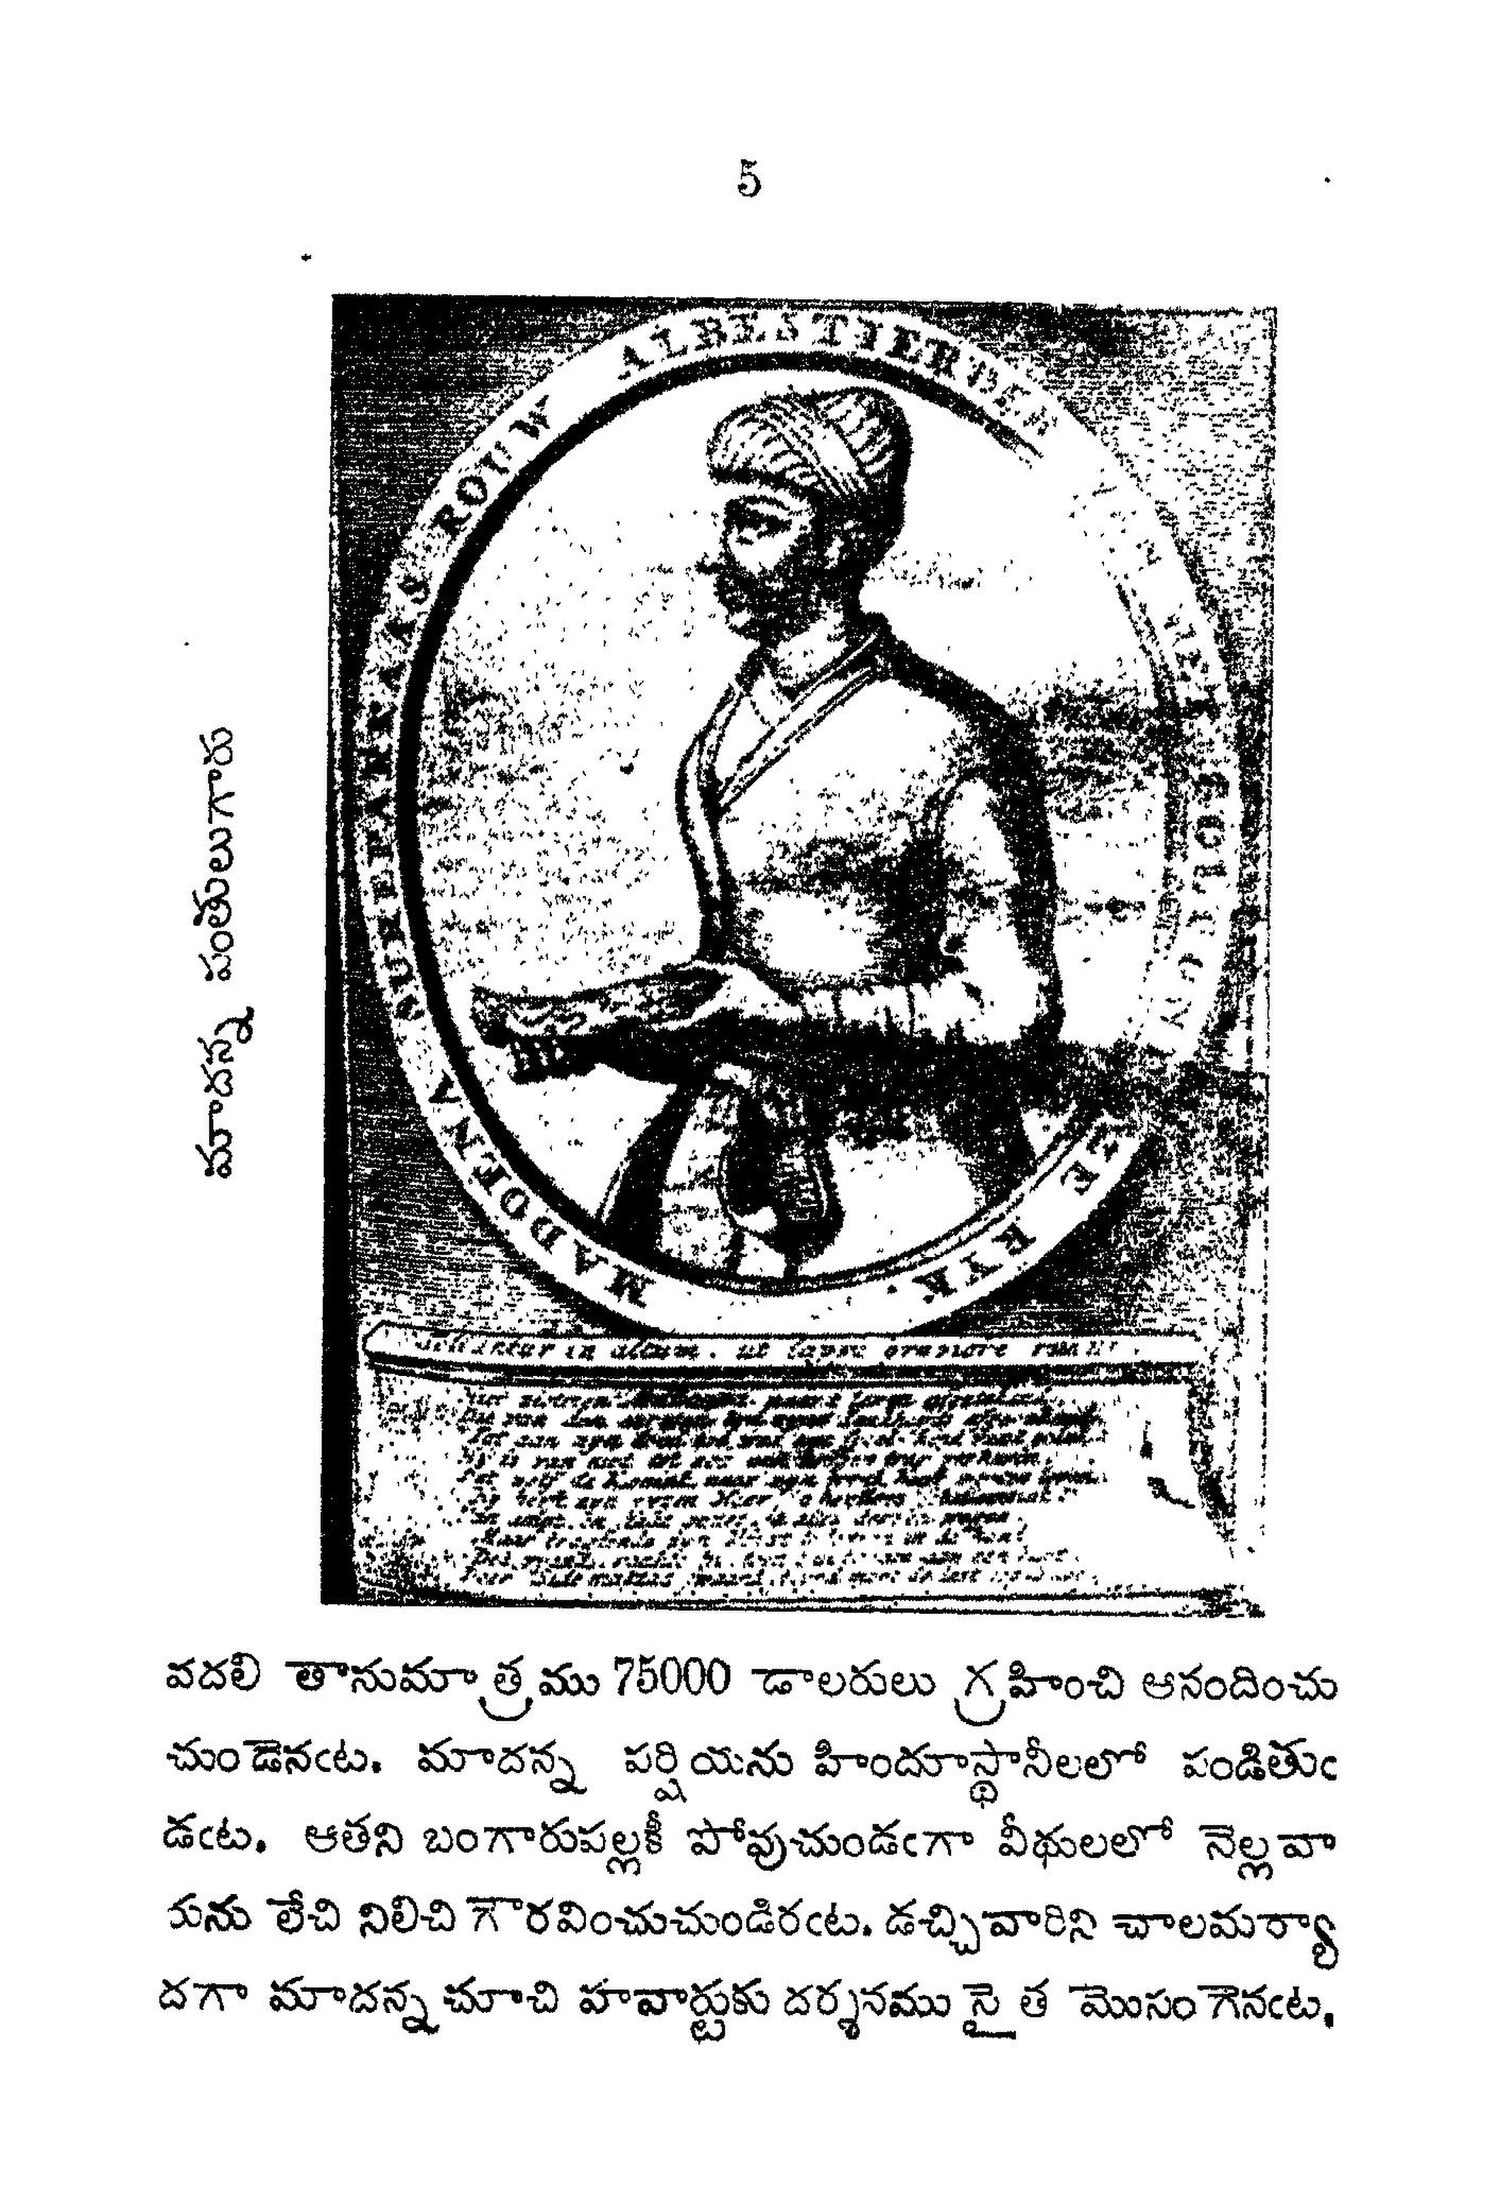వదలి తానుమాత్రము 75000 డాలరులు గ్రహించి ఆనందించుచుండెనఁట. మాదన్న పర్షియను హిందూస్థానీలలో పండితుడట. ఆతని బంగారుపల్లకీ పోవుచుండఁగా వీథులలో నెల్లవారును లేచి నిలిచి గౌరవించుచుండిరఁట. డచ్చివారిని చాలమర్యాదగా మాదన్న చూచి హవార్టుకు దర్శనము సైత మొసంగెనఁట.